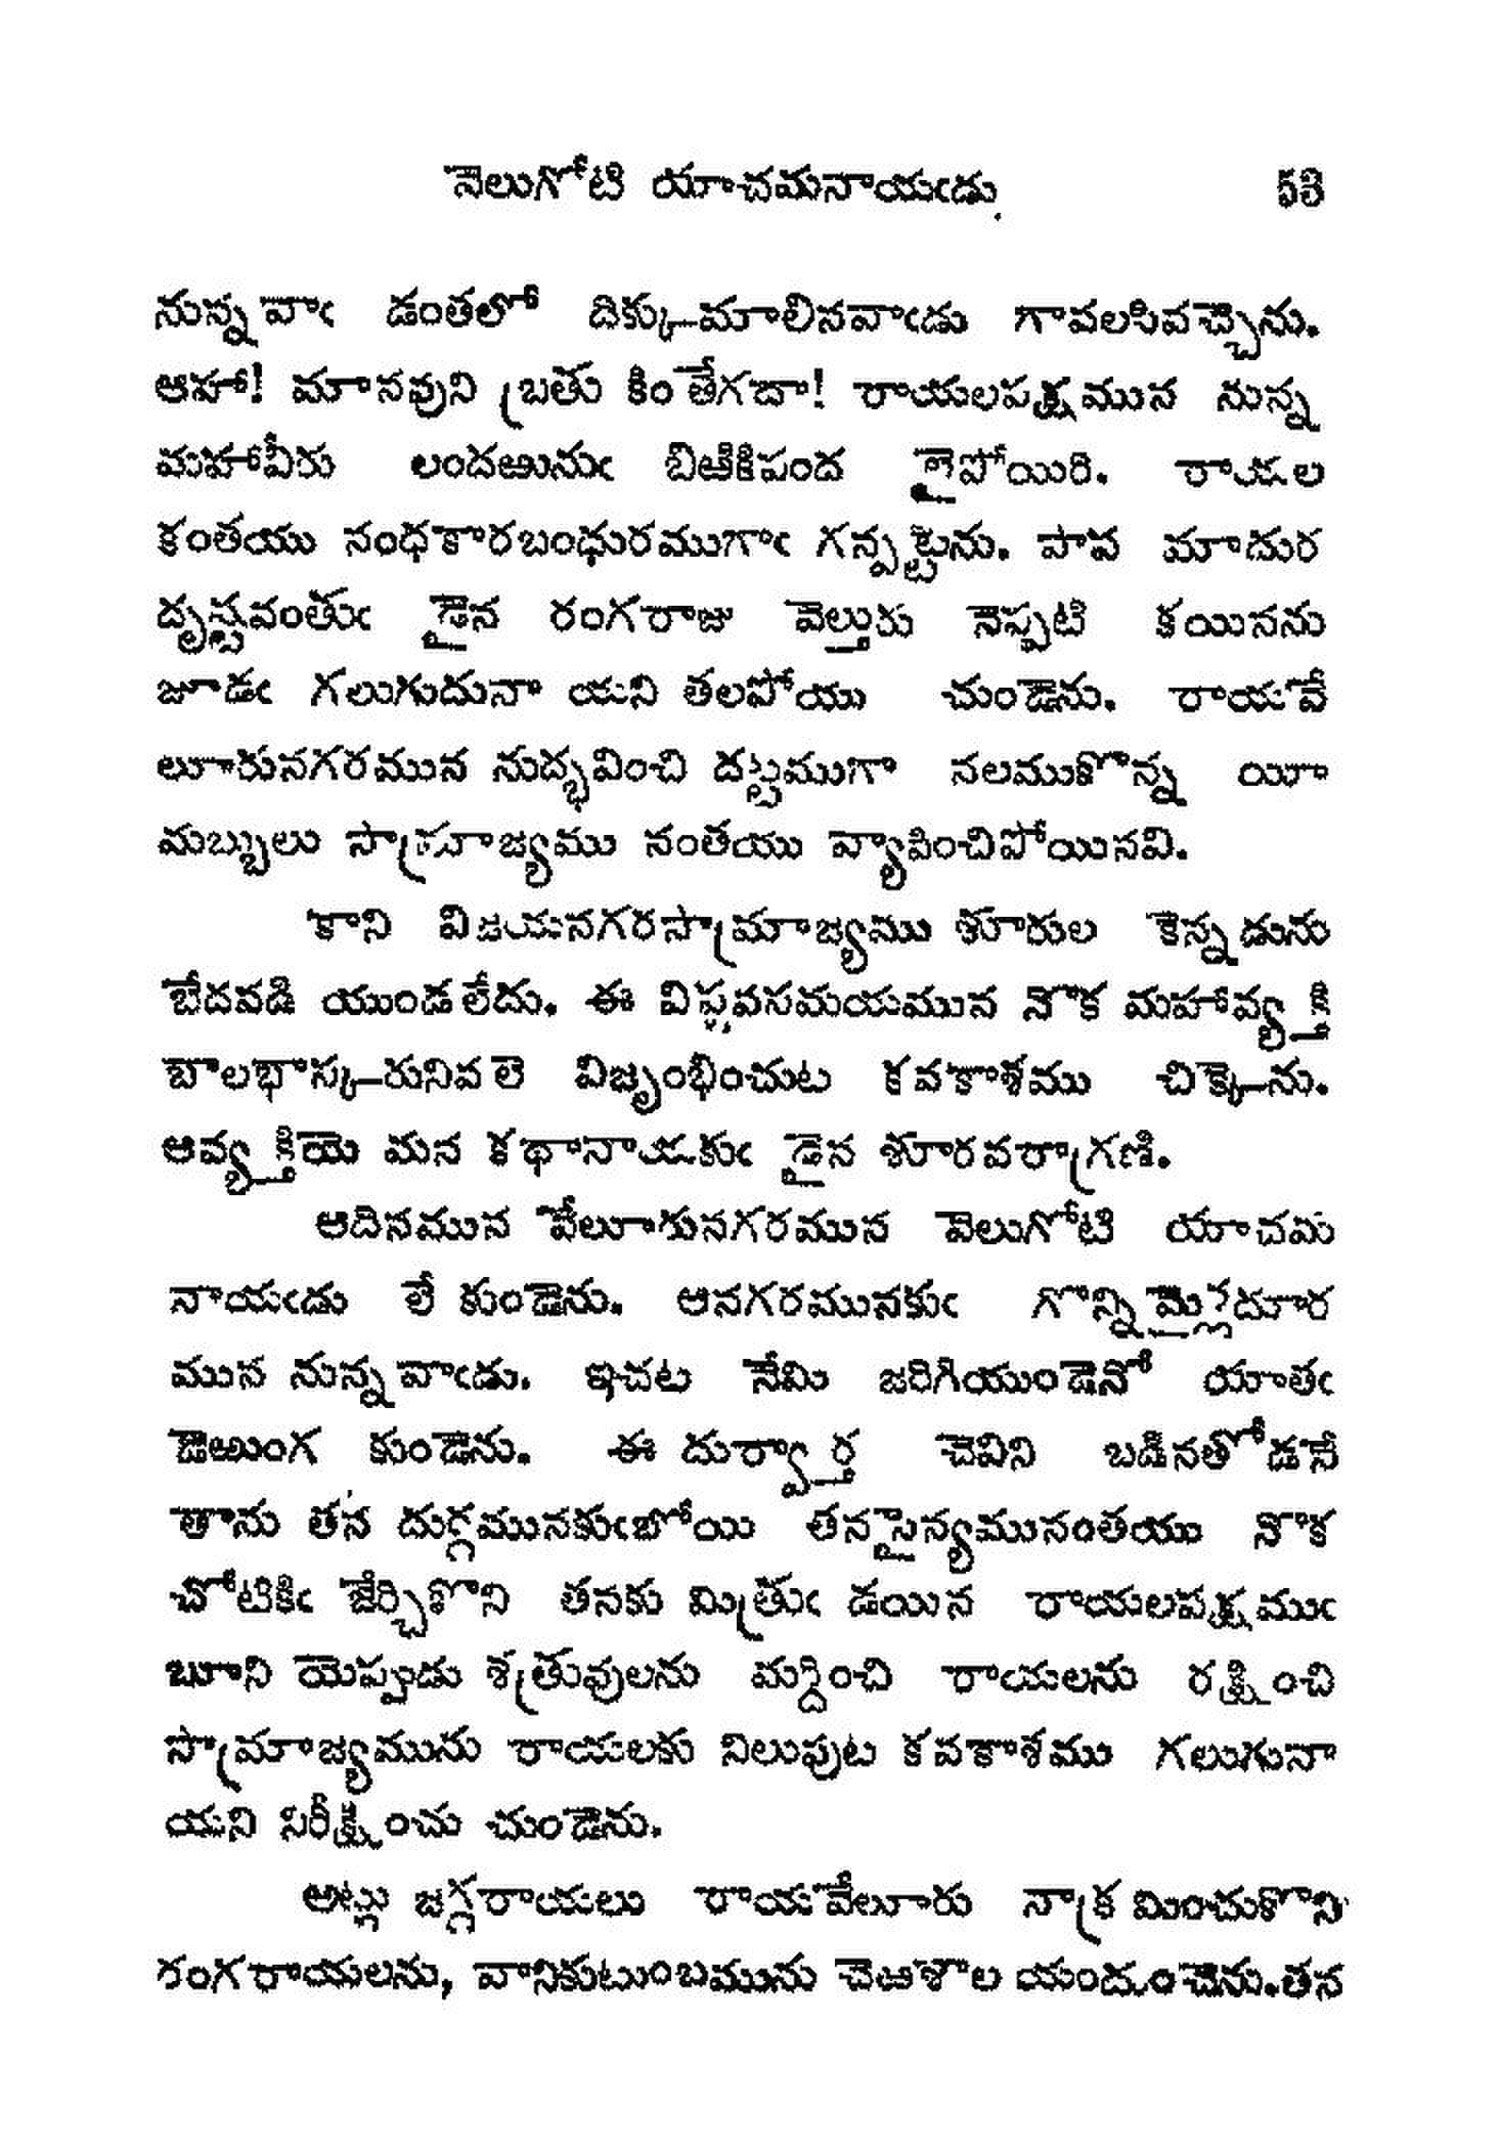నున్నవాఁ డంతలో దిక్కుమాలినవాఁడు గావలసివచ్చెను. ఆహా! మానవుని బ్రతు కింతేగదా! రాయలపక్షమున నున్న మహావీరు లందఱునుఁ బిఱికిపంద లైపోయిరి. రాయల కంతయు నంధకారబంధురముగాఁ గన్పట్టెను. పాప మాదురదృష్టవంతుఁ డైన రంగరాజు వెల్తురు నెప్పటి కయినను జూడఁ గలుగుదునా యని తలపోయు చుండెను. రాయవేలూరునగరమున నుద్భవించి దట్టముగా నలముకొన్న యీ మబ్బులు సామ్రాజ్యము నంతయు వ్యాపించిపోయినవి.

కాని విజయనగరసామ్రాజ్యము శూరుల కెన్నడను బేదవడి యుండలేదు. ఈ విప్లవసమయమున నొక మహావ్యక్తి బాలభాస్కరునివలె విజృంభించుట కవకాశము చిక్కెను. ఆవ్యక్తియె మన కథానాయకుఁ డైన శూరవరాగ్రణి.

ఆదినమున వేలూరునగరమున వెలుగోటి యాచమనాయఁడు లే కుండెను. ఆనగరమునకుఁ గొన్నిమైళ్లదూరమున నున్నవాఁడు. ఇచట నేమి జరిగియుండునో యాతఁ డెఱుంగ కుండెను. ఈ దుర్వార్త చెవిని బడినతోడనే తాను తన దుర్గమునకుఁబోయి తనసైన్యమునంతయు నొక చోటికిఁ జేర్చికొని తనకు మిత్రుఁ డయిన రాయలపక్షముఁ బూని యెప్పుడు శత్రువులను మర్దించి రాయలను రక్షించి సామ్రాజ్యమును రాయలకు నిలుపుట కవకాశము గలుగునా యని నిరీక్షించు చుండెను.

అట్లు జగ్గరాయలు రాయవేలూరు నాక్రమించుకొని రంగరాయలను, వానికుటుంబమును చెఱశాల యందుంచెను. తన